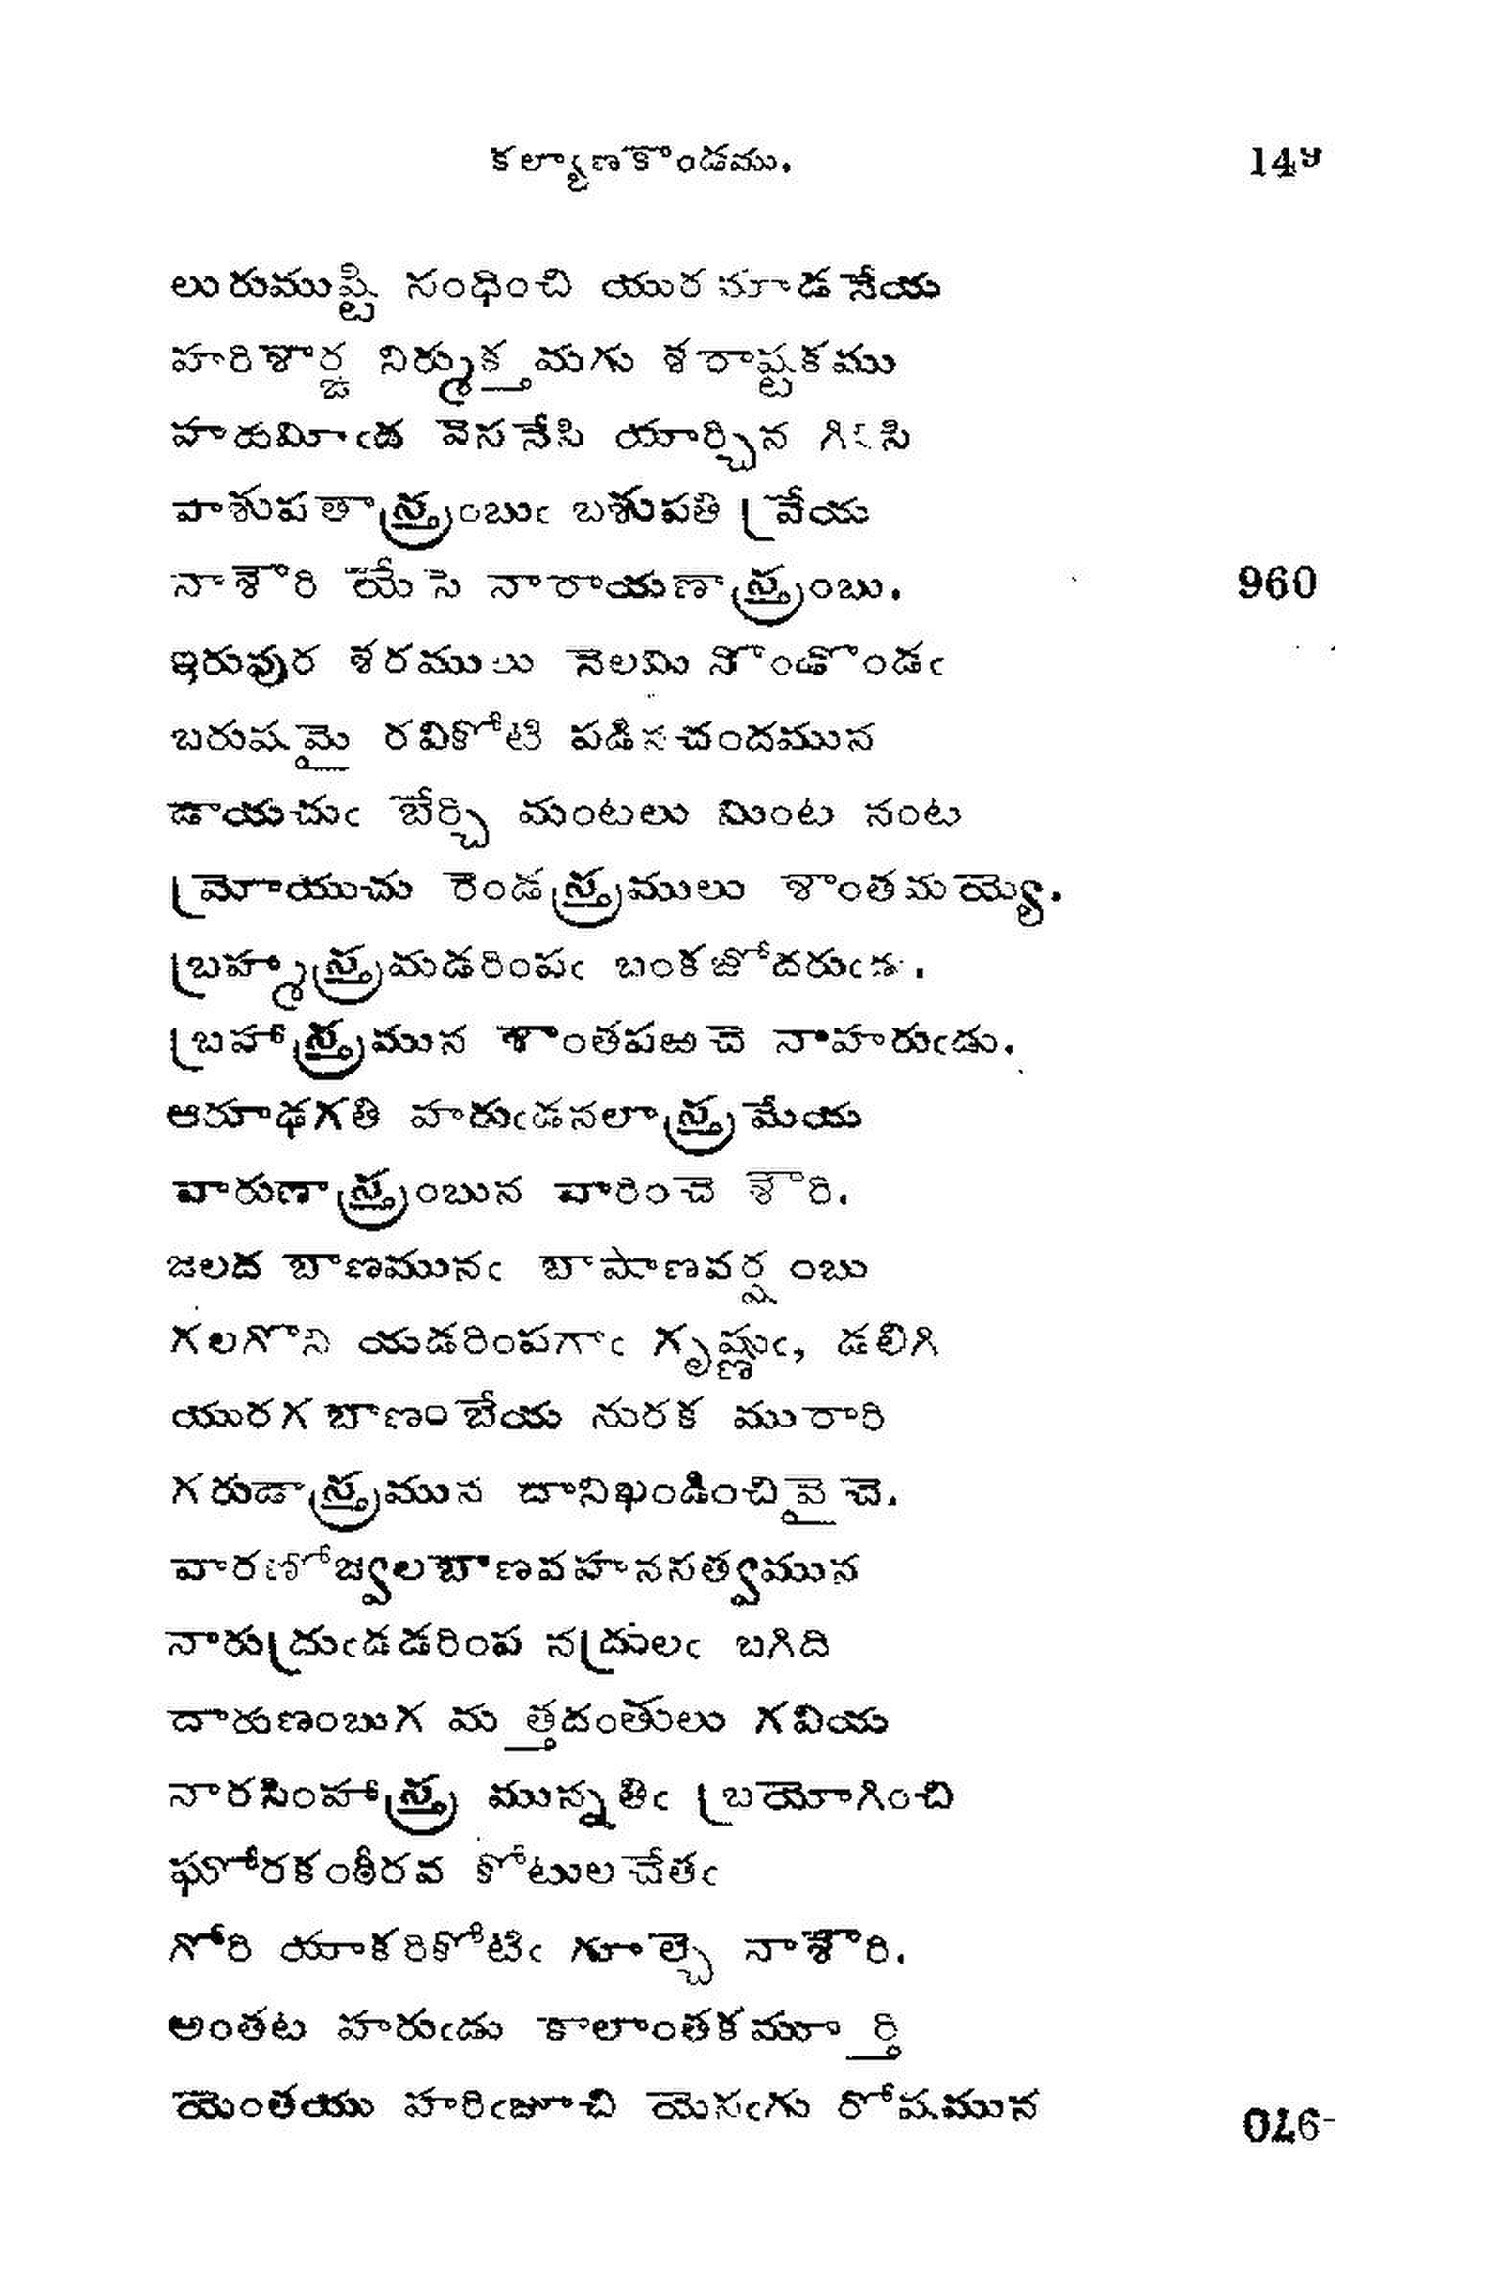లురుముష్టి సంధించి యురమాడనేయ
హరిశార్ఙ నిర్ముక్తమగు శరాష్టకము
హరుమీఁద వెననేసి యార్చిన గినిసి
పాశుపతాస్త్రంబుఁ బశుపతి వ్రేయ
నాశౌరి యేసె నారాయణాస్త్రంబు.
ఇరువుర శరములు నెలమి నొండొండఁ
బరుషమై రవికోటి పడినచందమున
డాయచుఁ బేర్చి మంటలు మింటనంట 
మ్రోయుచు రెండస్త్రములు శాంతమయ్యె. 
బ్రహ్మాస్త్రమడరింపఁబంకజోదరుఁడు. 
బ్రహ్మాస్త్రమున శాంతపఱచె నాహరుఁడు. 
ఆరూఢగతి హరుఁడనలాస్త్రమేయ
వారుణాస్త్రంబున వారించె శౌరి. 
జలద బాణమునఁ బాషాణవర్షంబు
గలగొని యడరింపగాఁ గృష్ణుఁ డలిగి
యురగ బాణంబేయ నురక మురారి
గరుడాస్త్రమున దాని ఖండించివైచె. 
వారణోజ్వలబాణవహనసత్వమున
నారుద్రుఁడడరింప నద్రులఁ బగిది
దారుణంబుగ మత్తదంతులు గవియ
నారసింహాస్త్ర మున్నతిఁ బ్రయోగించి
ఘోరకంఠీరవ కోటులచేతఁ
గోరి యాకరికోటిఁ గూల్చెనాశౌరి. 
అంతట హరుఁడు కాలాంతకమూర్తి
యెంతయు హరిఁజూచి యెసఁగు రోషమున